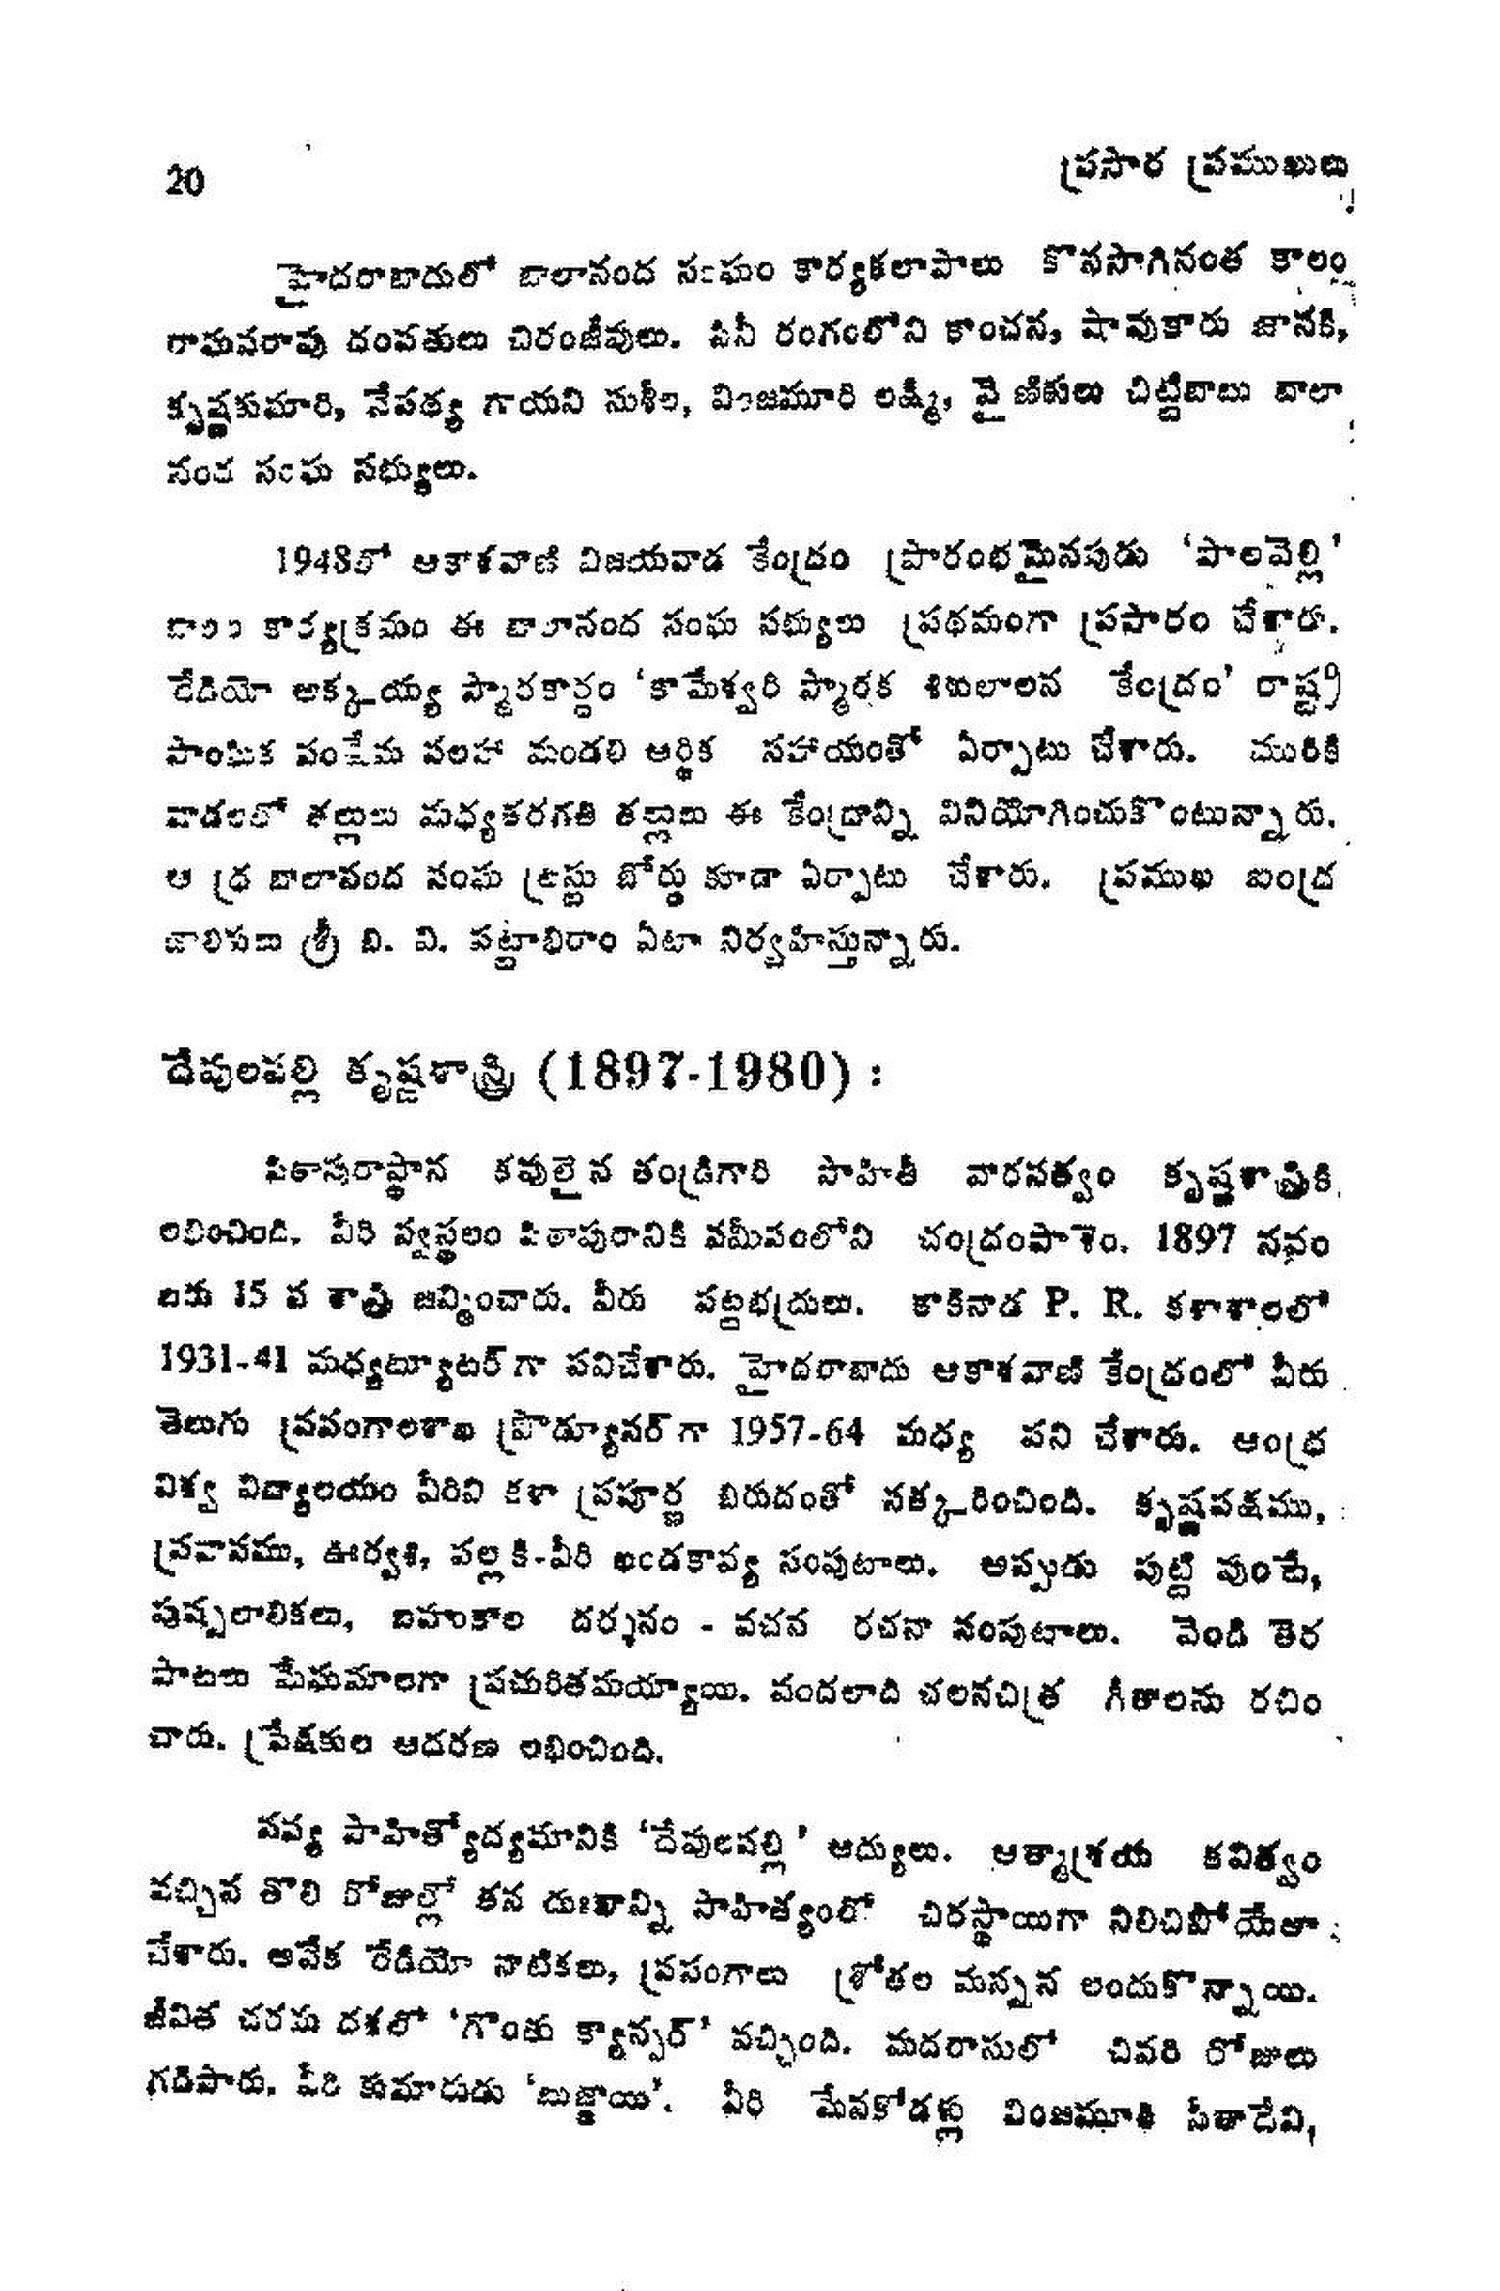హైదరాబాదులో బాలానంద సంఘం కార్యకలాపాలు కొనసాగినంత కాలం రాఘవరావు దంపతులు చిరంజీవులు. సినీ రంగంలోని కాంచన, షావుకారు జానకి, కృష్ణకుమారి, నేపథ్య గాయని సుశీల, వింజమూరి లక్ష్మి, వైణికులు చిట్టిబాబు బాలానంద సంఘ సభ్యులు.

1948లో ఆకాశవాణి విజయవాడ కేంద్రం ప్రారంభమైనపుడు ' పాలవెల్లి ' బాలల కార్యక్రమం ఈ బాలానంద సంఘ సభ్యులు ప్రథమంగా ప్రసారం చేశారు. రేడియో అక్కయ్య స్మారకార్థం ' కామేశ్వరి స్మారక శిశులాలన కేంద్రం' రాష్ట్ర సాంఘిక సంక్షేమ సలహా మండలి ఆర్థిక సహాయంతో ఏర్పాటు చేశారు. మురికివాడలలో తల్లులు మధ్యతరగతి తల్లులు ఈ కేంద్రాన్ని వినియోగించుకొంటున్నారు. ఆంధ్ర బాలానంద సంఘ ట్రస్టు బోర్డు కూడా ఏర్పాటు చేశారు. ప్రముఖ ఇంద్రజాలికులు శ్రీ బి. వి. పట్టాభిరాం ఏటా నిర్వహిస్తున్నారు.

పిఠాపురాస్థాన కవులైన తండ్రిగారి సాహితీ వారసత్వం కృష్ణశాస్త్రికి లభించింది. వీరి స్వస్థలం పిఠాపురానికి సమీపంలోని చంద్రంపాళెం. 1897 నవంబరు 15 న శాస్త్రి జన్మించారు. వీరు పట్టభద్రులు. కాకినాడ P. R. కళాశాలలో 1931-41 మధ్య ట్యూటర్ గా పనిచేశారు. హైదరాబాదు ఆకాశవాణి కేంద్రంలో వీరు తెలుగు ప్రసంగాలశాఖ ప్రొడ్యూసర్ గా 1957-64 మధ్య పని చేశారు. ఆంధ్ర విశ్వ విద్యాలయం వీరిని కళా ప్రపూర్ణ బిరుదంతో సత్కరించింది. కృష్ణపక్షము, ప్రవాసము, ఊర్వశి, పల్లకి - వీరి ఖండకావ్య సంపుటాలు. అప్పుడు పుట్టి వుంటే, పుష్పలావికలు, బహుకాల దర్శనం - వచన రచనా సంపుటాలు. వెండి తెర పాటలు మేఘమాలగా ప్రచురితమయ్యాయి. వందలాది చలనచిత్ర గీతాలను రచించారు. ప్రేక్షకుల ఆదరణ లభించింది.

నవ్య సాహిత్యోద్యమానికి ' దేవులపల్లి ' ఆద్యులు. ఆత్మాశ్రయ కవిత్వం వచ్చిన తొలి రోజుల్లో తన దుఃఖాన్ని సాహిత్యంలో చిరస్థాయిగా నిలిచిపోయేలా చేశారు. అనేక రేడియో నాటికలు, ప్రసంగాలు శ్రోతల మన్నన లందుకొన్నాయి. జీవిత చరమ దశలో ' గొంతు క్యాన్సర్ ' వచ్చింది. మదరాసులో చివరి రోజులు గడిపారు. వీరి కుమారుడు ' బుజ్జాయి '. వీరి మేనకోడళ్లు వింజమూరి సీతాదేవి,